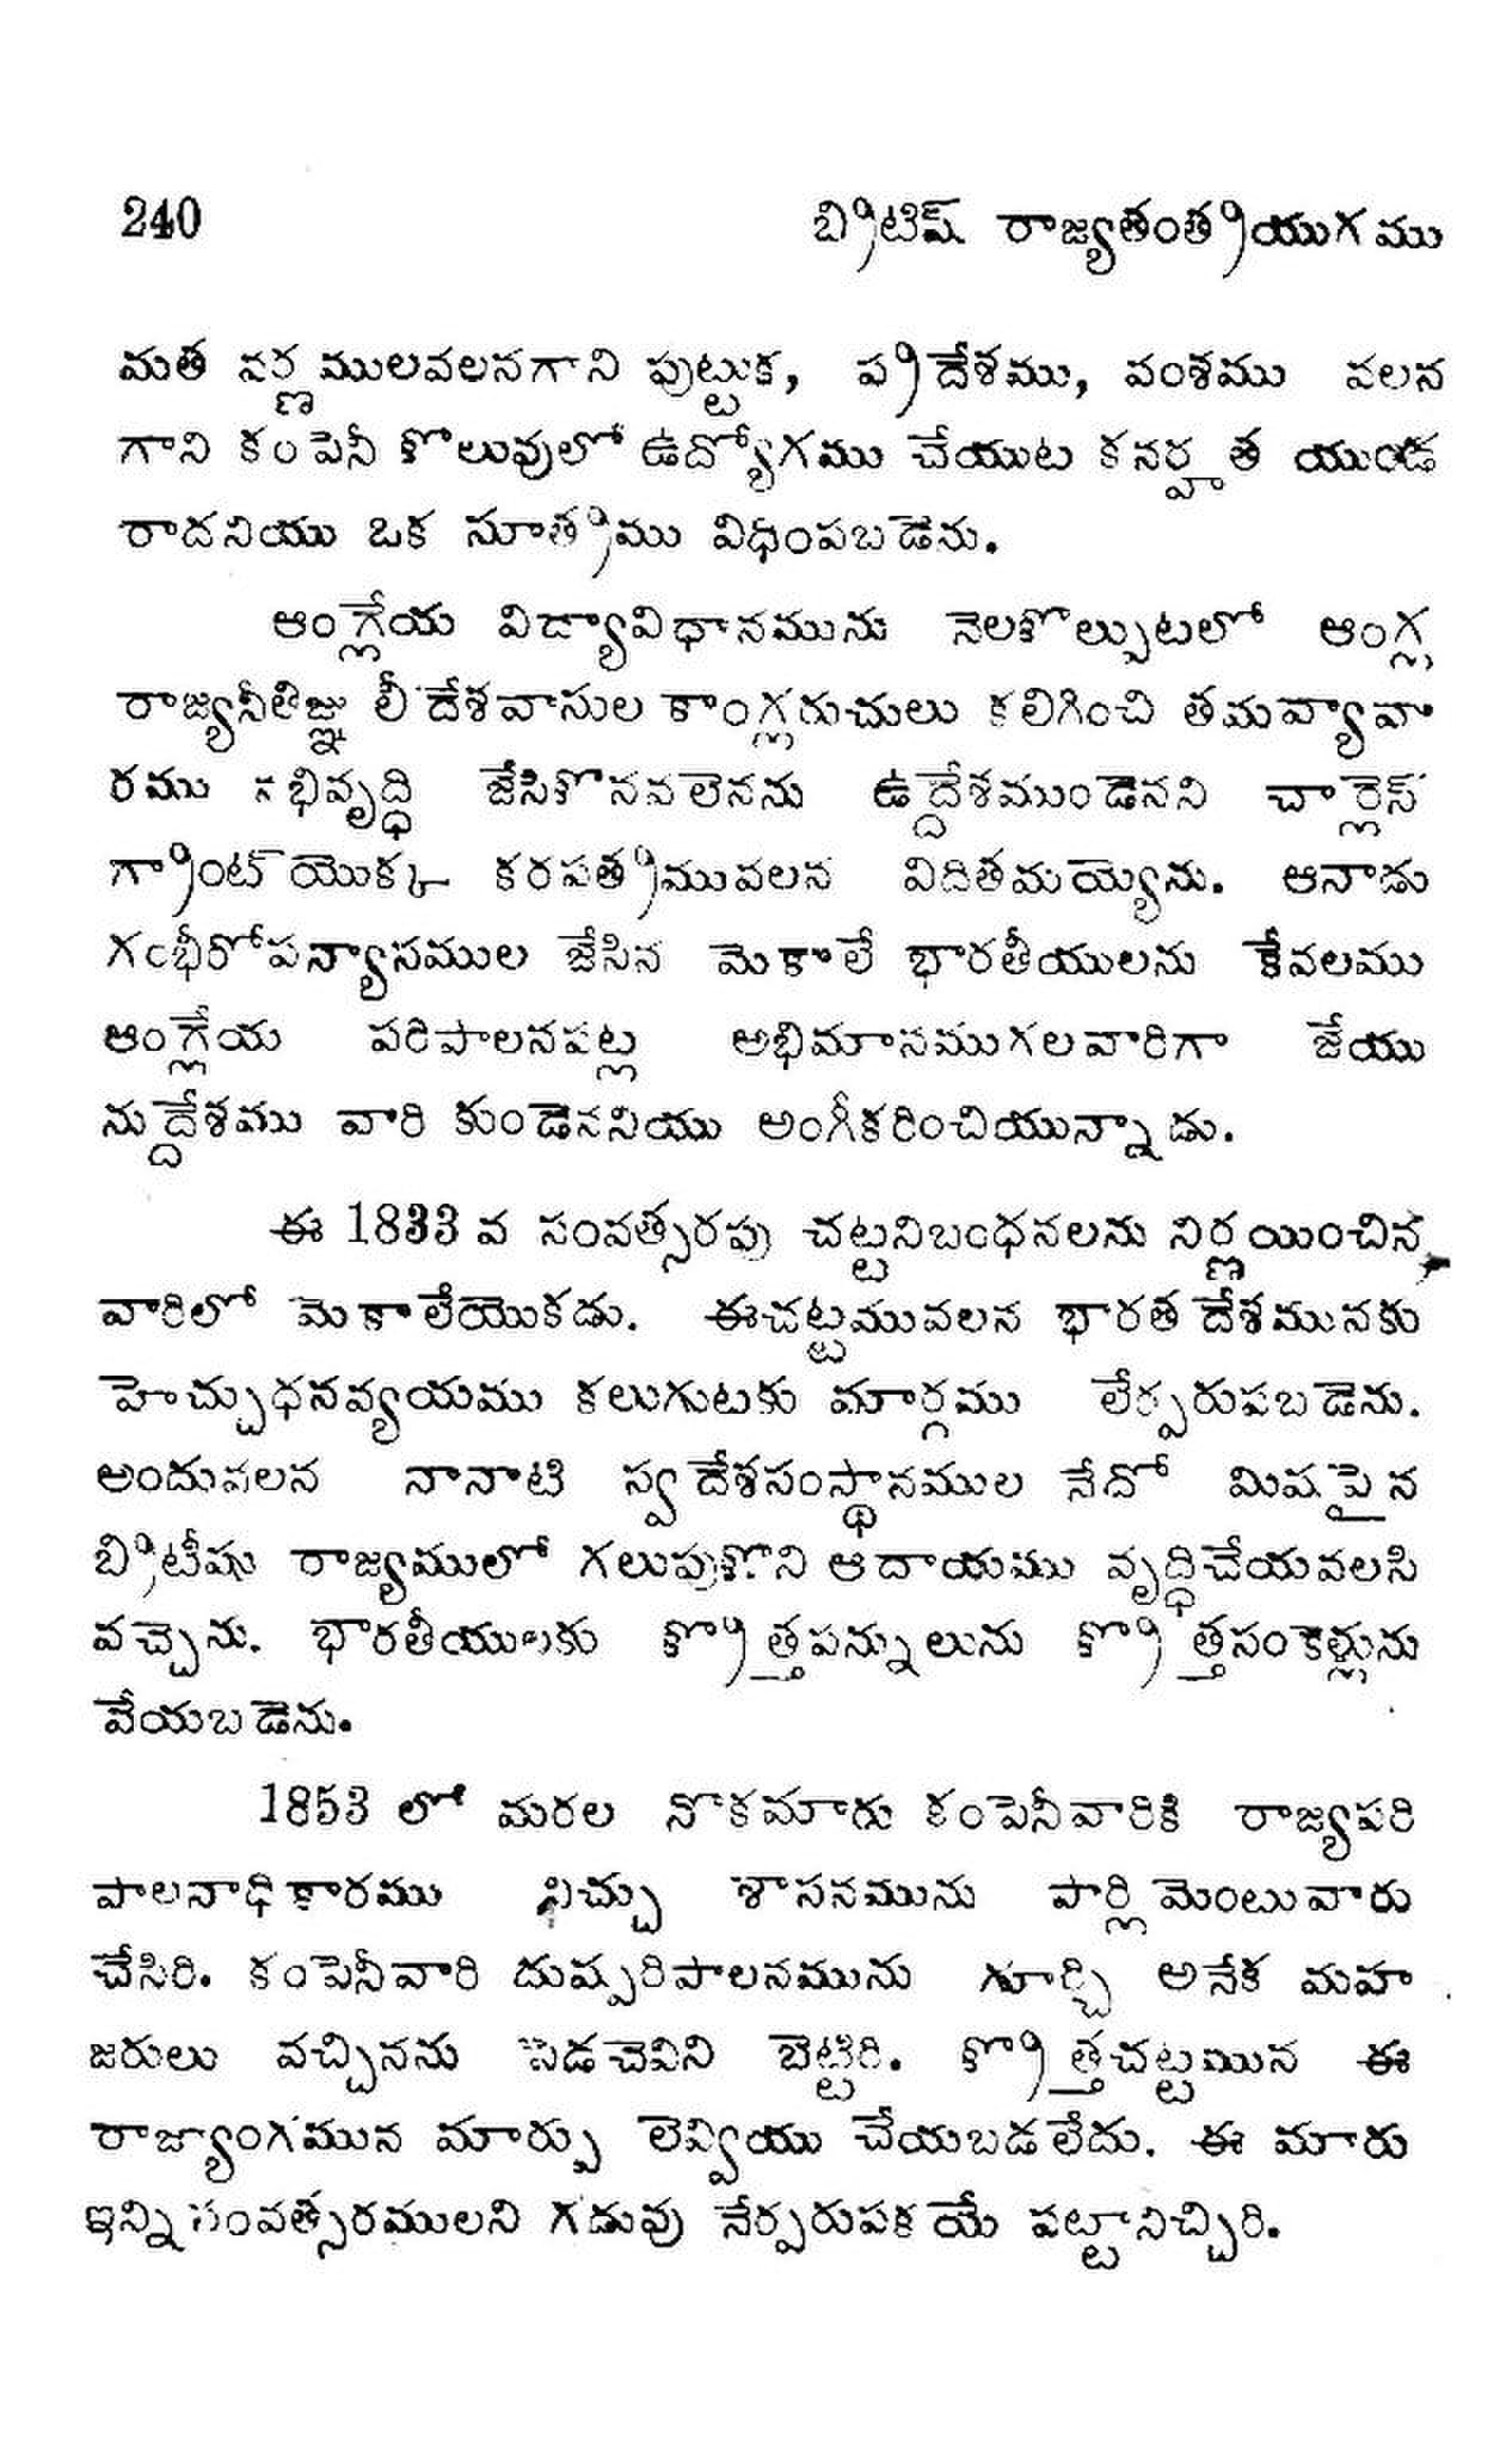మత వర్ణములవలనగాని పుట్టుక, ప్రదేశము, వంశము వలనగాని కంపెనీ కొలువులో ఉద్యోగము చేయుట కనర్హత యుండరాదనియు ఒక సూత్రము విధింపబడెను. 

ఆంగ్లేయ విద్యావిధానమును నెలకొల్పుటలో ఆంగ్ల రాజ్యనీతిజ్ఞు లీ దేశవాసుల కాంగ్లరుచులు కలిగించి తమవ్యాపారము : నభివృద్ధి జేసికొనవలెనను ఉద్దేశముండెనని చార్లెస్ గ్రాంట్‌యొక్క కరపత్రమువలన విదితమయ్యెను. ఆనాడు గంభీరోపన్యాసముల జేసిన మెకాలే భారతీయులను కేవలము ఆంగ్లేయ పరిపాలనపట్ల అభిమానముగలవారిగా జేయునుద్దేశము వారి కుండెననియు అంగీకరించియున్నాడు.

ఈ 1833 వ సంవత్సరపు చట్టనిబంధనలను నిర్ణయించినవారిలో మెకాలేయొకడు. ఈచట్టమువలన భారతదేశమునకు
హెచ్చుధనవ్యయము కలుగుటకు మార్గము లేర్పరుపబడెను. అందువలన నానాటి స్వదేశసంస్థానముల నేదో మిషపైన బ్రిటీషు రాజ్యములో గలుపుకొని ఆదాయము వృద్ధిచేయవలసివచ్చెను. భారతీయులకు క్రొత్తపన్నులును క్రొత్తసంకెళ్లును వేయబడెను.

1853 లో మరల నొకమారు కంపెనీవారికి రాజ్యపరిపాలనాధికారము నిచ్చు శాసనమును పార్లిమెంటువారు చేసిరి. కంపెనీవారి దుష్పరిపాలనమును గూర్చి అనేక మహజరులు వచ్చినను పెడచెవిని బెట్టిరి. క్రొత్తచట్టమున ఈ రాజ్యాంగమున మార్పు లెవ్వియు చేయబడలేదు. ఈ మారు ఇన్నిసంవత్సరములని గడువు నేర్పరుపకయే పట్టానిచ్చిరి.